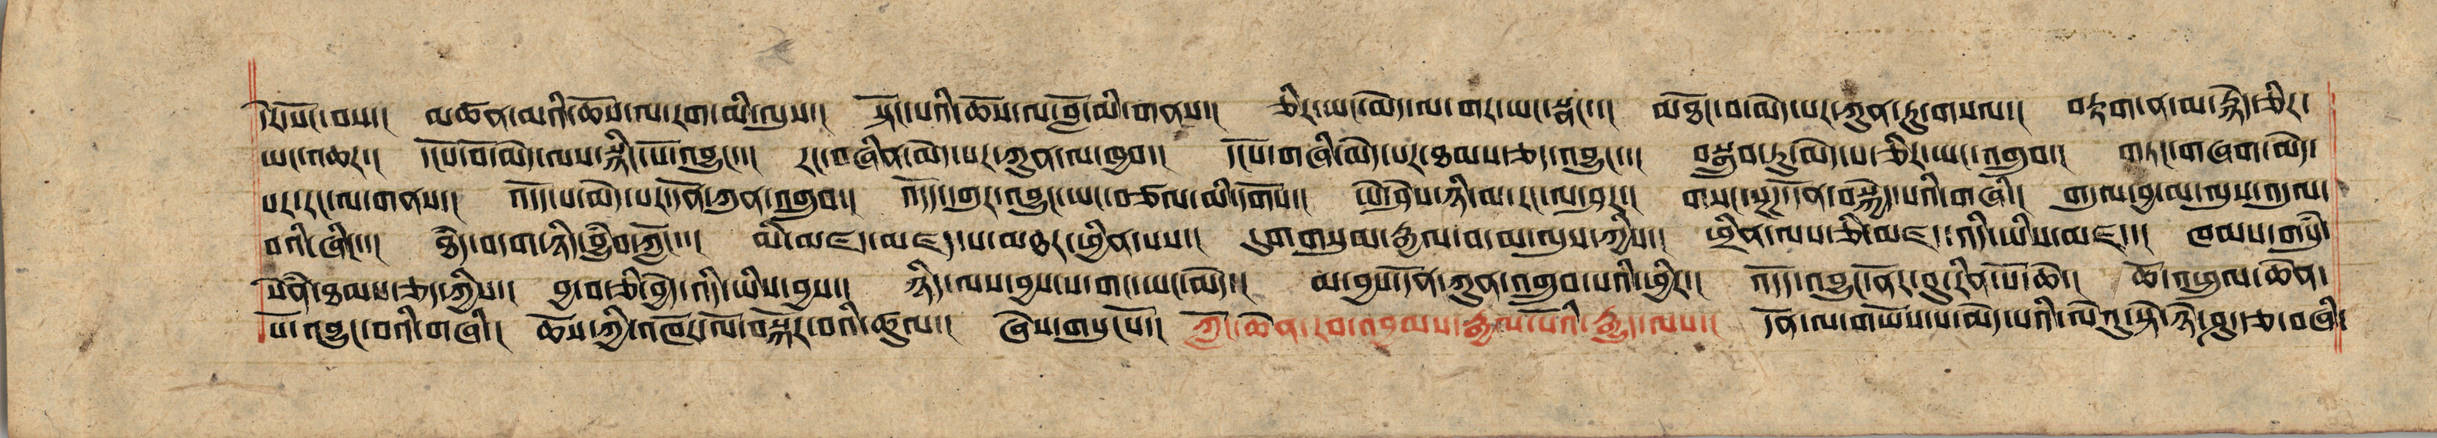དེར་སོང་བས་། མཚན་མའི་ཆོས་ལ་རག་མི་ལུས་། སྟོང་པའི་ཆོས་ལ་བློ་མི་གནས་། ཅིར་ཡང་མེད་ལ་གར་ཡང་སྣང་་། མཐོང་བ་མེད་པར་ཀུན་ཏུ་གསལ་། བརྟག་ན་མ་རྙེད་ཅིར་
ཡང་འཆར་། དངོས་པོ་མེད་ལས་སྙིང་པོ་འབྱུང་་། རང་བཞིན་མེད་པར་ཀུན་ལ་ཁྱབ་། དངོས་གཞི་མཻད་པར་ཐམས་ཅད་འབྱུང་་། བསྒྲུབ་ཏུ་མེད་པ་ཅིར་ཡང་འགྲུབ་། གཏང་གཞག་མེད་
པར་རང་ལ་གནས་། འདོད་པ་མེད་པར་དོན་ཀུན་འགྲུབ་། འདོད་དགུར་འབྱུང་ཡང་བཙལ་མི་དགོས་། ཡེ་ཤེས་ཉི་མ་རང་ལ་ཤར་། གསང་སྔཌ་དོན་བསྐྱེད་པའི་གཞི་། གདུལ་བྱ་མ་ལུས་འདུལ་
བའི་ཞིང་་། ཐཾད་བདག་ཉིད་བྱུཾབ་ཀློང་་། མི་མཛད་མཛད་པ་མཐར་ཕྱིན་པས་། དུས་གསུམ་རྒྱལ་བ་མ་ལུས་ཀྱིས་། ཕྲིན་ལས་ཅི་མཛད་འདི་ཡིས་མཛད་། ཁམས་གསུཾ་
སེཾན་ཐམས་ཅད་ཀྱིས་། བྱ་བ་ཅི་བྱེད་འདི་ཡིས་བྱས་། ཉིད་ལས་བྱས་པ་གང་ཡང་མེད་། མ་བྱས་དོན་ཀུན་འགྲུབ་་པའི་ཕྱིར་། འདོད་འབྱུང་ནོར་བུ་རིན་པོ་ཆེ་། ཆོ་འཕྲུལ་ཆེན་
པོ་འབྱུང་བའི་གཞི་། ཆོས་ཀྱི་འཁོར་ལོ་བསྐོར་བའི་ཚུལ་། ཞེས་གསུངསོ་། ཀློང་ཆེན་རབ་འབྱམས་རྒྱལ་པོའི་རྒྱུད་ལས་། དོན་ལ་གཡོས་པ་མེད་པའི་ལེའུ་སྟེ་ཉེ་ཤུ་རྩ་བཞི་